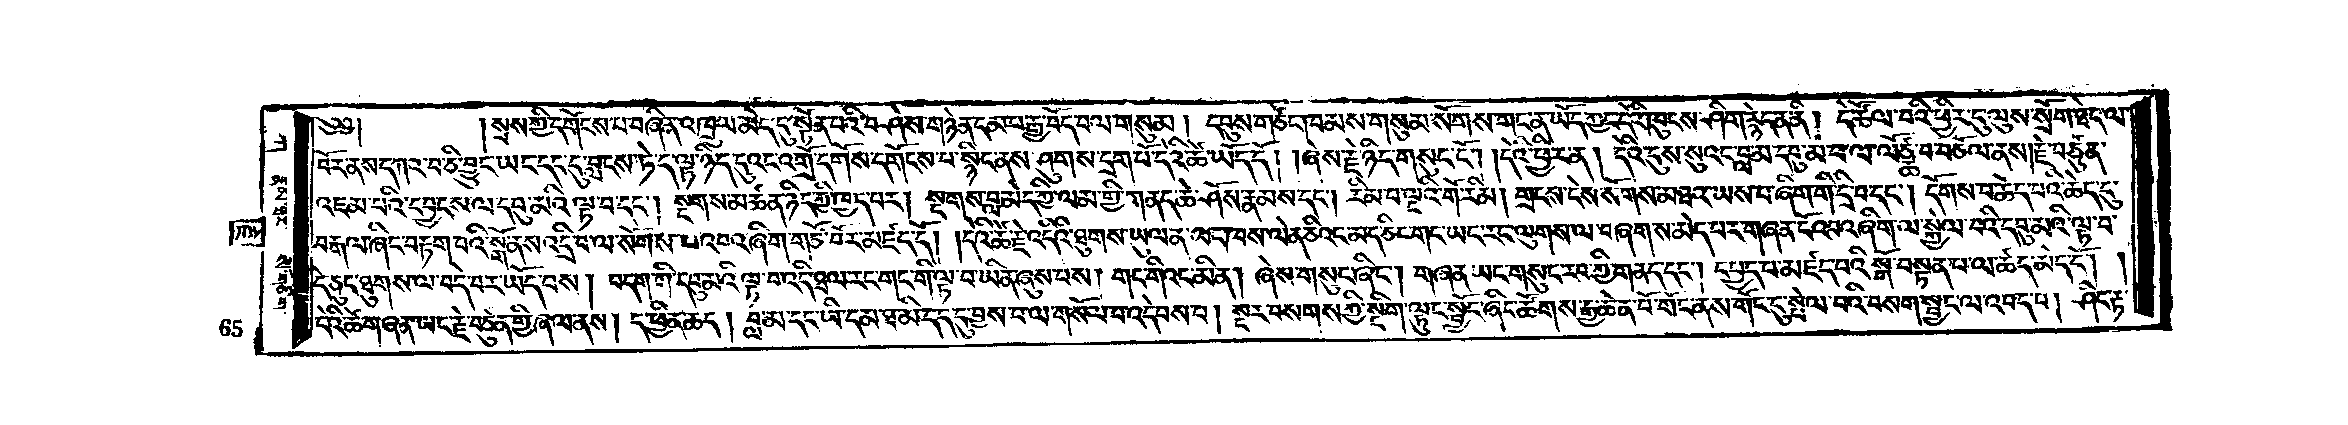༄༅། །སྲས་ཀྱི་དགོངས་པ་བཞིན་འཁྲུལ་མེད་དུ་སྟོན་པའི་བཤེས་གཉེན་དམ་པ་རྒྱ་བོད་བལ་གསུམ། དབུས་གཙང་ཁམས་གསུམ་སོགས་གང་ན་ཡོད་ཀྱང་དེའི་ཁུངས་ཤིག་རྙེད་ན་ནི། དེ་ཚོལ་བའི་ཕྱིར་དུ་ལུས་སྲོག་ཐེད་ལ་
བོར་ནས་དཀའ་བ་ཅི་བྱུང་ཡང་དང་དུ་བླངས་ཏེ་ད་ལྟ་ཉིད་དུའང་འགྲོ་དགོས་དགོངས་པ་སྙིང་ནས་ཤུགས་དྲག་པོ་དེའི་ཚེ་ཡོད་དོ། །ཞེས་རྗེ་ཉིད་གསུང་ངོ། །དེའི་ཕྱིར་ན། དེའི་དུས་སུའང་བླ་མ་དབུ་མ་པ་ལ་ལོཙྪ་བ་བཅོལ་ནས། རྗེ་བཙུན་
འཇམ་པའི་དབྱངས་ལ་དབུ་མའི་ལྟ་བ་དང་། སྔགས་མཚན་ཉིད་ཀྱི་ཁྱད་པར། སྔགས་བླ་མེད་ཀྱི་ལམ་གྱི་གནད་ཆེ་ཤོས་རྣམས་དང་། རིམ་པ་ལྔའི་གོ་རིམ། གྲངས་ངེས་སོགས་མཐའ་ཡས་པ་ཞིག་གི་དྲི་བ་དང་། དོགས་པ་ཆེད་པའི་ཆེད་དུ་
བརྒལ་ཞིང་བརྟག་པའི་སྒོ་ནས་འདྲི་བ་ལ་སོགས་པ་འབའ་ཞིག་གཙོ་བོར་མཛད་དོ། །དེའི་ཚེ་རྗེ་འདིའི་ཐུགས་ཡུལ་ན་ཝང་ཁས་ལེན་ཅིའང་མད་ཅིང་གང་ཡང་རང་ལུགས་ལ་བཞགས་མེད་པར་གཞན་དོ་འབའ་ཞིག་ལ་སྐྱེལ་བའི་དབུ་མའི་ལྟ་བ་
དེ་ཅུང་ཐུགས་ལ་བདེ་བར་ཡོད་པས། བདག་གི་དབུ་མའི་ལྟ་བ་འདི་ཐལ་རང་གང་གི་ལྟ་བ་ཡིན་ཞུས་པས། གང་གིའང་མིན། ཞེས་གསུང་ཞིང་། གཞན་ཡང་གསུང་རབ་ཀྱི་གནད་དང་། དཔྱད་པ་མཛད་པའི་སྒོ་བསྟན་པ་ལ་ཚད་མེད་དོ། །
དེའི་ཚེ་གཞན་ཡང་རྗེ་བཙུན་གྱི་ཞལ་ནས། ད་ཕྱིན་ཆད། བླ་མ་དང་ཡི་དམ་ཐ་མི་དད་དུ་བྱས་པ་ལ་གསོལ་བ་འདེབས་པ། སྔར་བསགས་ཀྱི་སྡིག་ལྟུང་སྦྱོང་ཞིང་ཚོགས་རྒྱ་ཆེན་པོ་གོང་ནས་གོང་དུ་སྤེལ་བའི་བསག་སྦྱང་ལ་འབད་པ། ཤིང་རྟ་